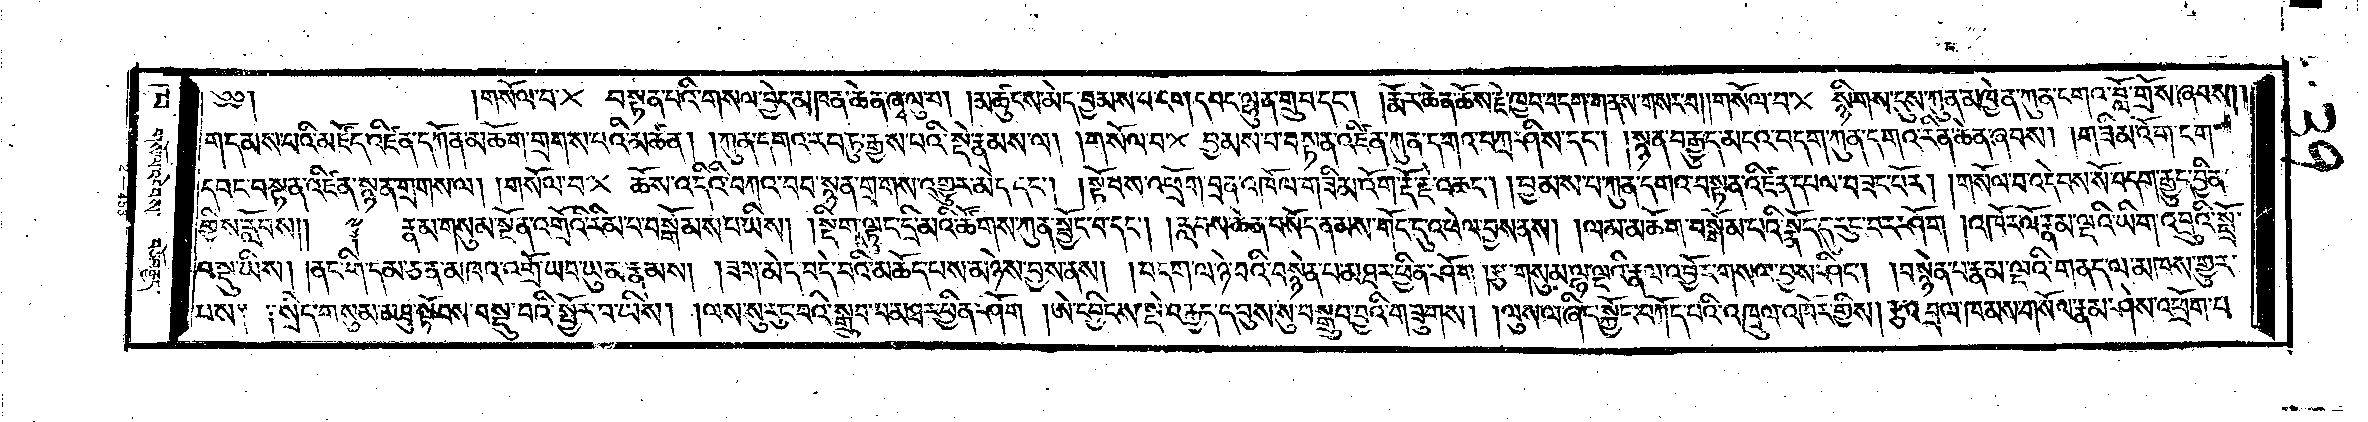༄༅། །གསོལ་བ་྾་བསྟན་པའི་གསལ་བྱེད་མཁན་ཆེན་ཞྭ་ལུ་བ། །མཚུངས་མེད་བྱམས་པ་ངག་དབང་ལྷུན་གྲུབ་དང་། །རྨོར་ཆེན་ཆོས་རྗེ་ཁྱབ་བདག་གནས་གསར་བ། །གསོལ་བ་྾་སྙིགས་དུས་ཀུན་མཁྱེན་ཀུན་དགའ་བློ་གྲོས་ཞབས། །
གདམས་པའི་མཛོད་འཛིན་དཀོན་མཆོག་གྲགས་པའི་མཚན། །ཀུན་དགའ་རབ་ཏུ་རྒྱས་པའི་སྡེ་རྣམས་ལ། །གསོལ་བ་྾་བྱམས་པ་བསྟན་འཛིན་ཀུན་དགའ་བཀྲ་ཤིས་དང་། །སྙན་བརྒྱུད་མངའ་བདག་ཀུན་དགའ་རིན་ཆེན་ཞབས། །གཟིམ་འོག་ངག་
དབང་བསྟན་འཛིན་སྙན་གྲགས་ལ། །གསོལ་བ་྾་ཆོས་འདིའི་བཀའ་བབ་སྙན་གྲགས་འགྱུར་མེད་དང་། །སྟོབས་འཕྲོག་བྲན་འཁོལ་གཟིམ་འོག་རྡོ་རྗེ་འཆང་། །བྱམས་པ་ཀུན་དགའ་བསྟན་འཛིན་དཔལ་བཟང་པོར། །གསོལ་བ་འདེབས་སོ་བདག་རྒྱུད་བྱིན་
གྱིས་རློབས།། ༈ རྣམ་གསུམ་སྔོན་འགྲོའི་རིམ་པ་བསྒོམས་པ་ཡིས། །སྡིག་ལྟུང་དྲི་མའི་ཚོགས་ཀུན་སྦྱོང་བ་དང་། །རླབས་ཆེན་བསོད་ནམས་གོང་དུ་འཕེལ་བྱས་ནས། །ལམ་མཆོག་བསྒོམ་པའི་སྣོད་དུ་རུང་བར་ཤོག །འཁོར་ལོ་རྣམ་ལྔའི་ཡིག་འབྲུའི་སྤྲོ་
བསྡུ་ཡིས། །ནང་གི་དམ་ཅན་མཁའ་འགྲོ་ཡབ་ཡུམ་རྣམས། །ཟག་མེད་བདེ་བའི་མཆོག་པས་མཉེས་བྱས་ནས། །བདག་ལ་ཉེ་བའི་བསྙེན་པ་མཐར་ཕྱིན་ཤོག །རྩ་གསུམ་ལྷ་ལྔའི་རྣལ་འབྱོར་གསལ་བྱས་ཤིང་། །བསྙེན་པ་རྣམ་ལྔའི་གནད་ལ་མཁས་གྱུར་
པས༑ ༑སྲིད་གསུམ་མཐུ་སྟོབས་བསྡུ་བའི་སྦྱོར་བ་ཡིས། །ལས་སུ་རུང་བའི་སྒྲུབ་པ་མཐར་ཕྱིན་ཤོག །ཨེ་དབྱིངས་སྡེ་བརྒྱད་དབུས་སུ་བསྒྲུབ་བྱའི་གཟུགས། །ལུས་ལ་ཞིང་སྐྱོང་བཀོད་པའི་འཁྲུལ་འཁོར་གྱིས། །རྩ་འབྲལ་ཁམས་གསོལ་རྣམ་ཤེས་འཕྲོག་པ་